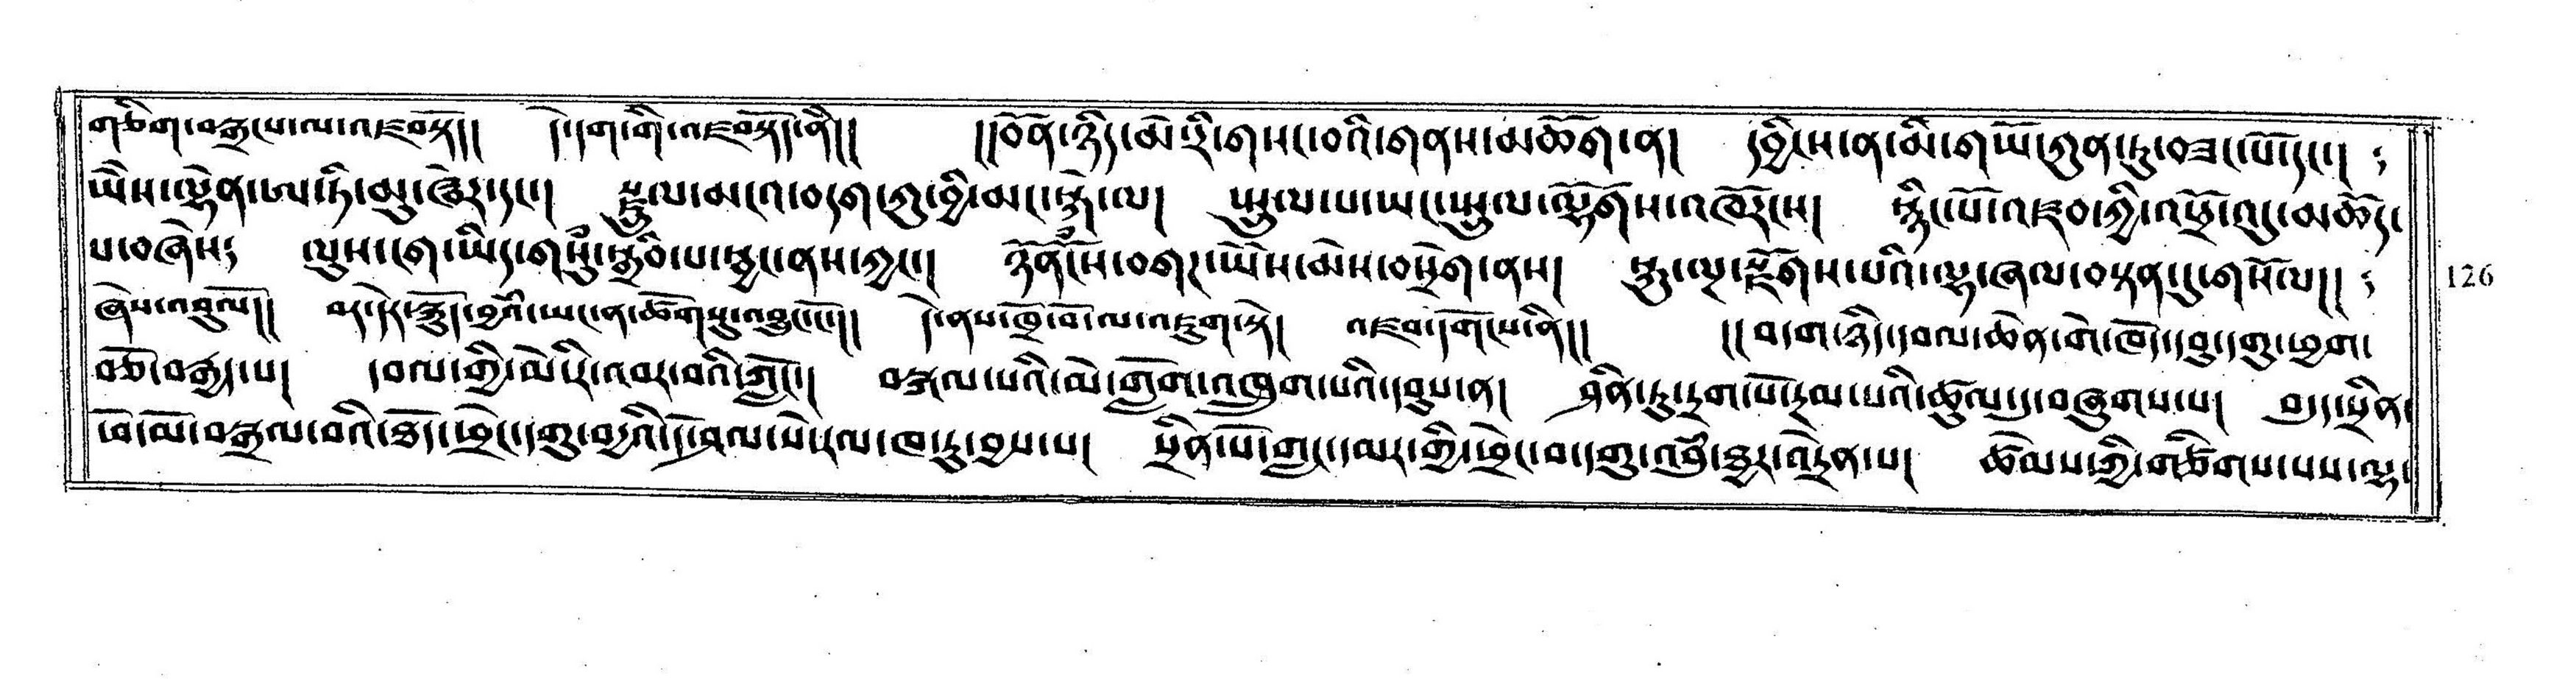གཅིག་བསྒྲངས་ལ་འཛབ་བསྟོད།། དེ་དག་གི་འཛབ་བསྟོད་ནི།། །།བོན་ཉིད་མེ་རི་གསང་བའི་གནས་མཆོག་ན། དབྱིངས་ན་མི་གཡོ་ཀུན་ཏུ་བཟང་པོ་དང་། 
ཡེ་ཤེས་ལྷ་ཆེན་ཨ་ཏི་མུ་ཝེར་དང་། རྫུ་འཕྲུལ་མངའ་བདག་ཀུ་བྱི་མང་སྐེ་ལ། སྤྲུལ་པ་ཡང་སྤྲུལ་ལྷ་ཚོགས་འཁོར་དང་བཅས། སྙིང་པོ་འཛབ་ཀྱི་འཕྲོ་འདུ་མཆོད་
པ་བཞེས། ལུས་ངག་ཡིད་གསུམ་སྒྲིབ་པ་སྦྱང་ནས་ཀྱང་། ཉོན་མོངས་བག་ཆགས་ཡེ་ཤེས་མེས་བསྲེག་ནས། སྐུ་ལྔ་རྫོགས་པའི་ལྷ་ཞལ་བསྟན་དུ་གསོལ།། 
ཞེས་འབུལ་ལོ།། བར་དེར་སྐུ་བསྟོད་བྱའམ་ཡང་ན་ཚོགས་སུ་འབྱུང་ངོ་།། དེ་ནས་ཁྲོ་བོ་ལ་འཇུག་སྟེ། འཛབ་དགོངས་ནི།། །།བདག་ཉིད་དབལ་ཆེན་གེ་ཁོད་དབུ་དགུ་ཕྱག་
བཅོ་བརྒྱད་པ། དབལ་གྱི་མེ་རི་འབར་བའི་ཀློང་། བསྐལ་པའི་མེ་གློག་འཁྲུག་པའི་དབུས་ན། ཤིན་ཏུ་དྲག་པོ་རྔམ་པའི་ཚུལ་དུ་བཞུགས་པ། བདུད་སྲིན་
ཕོ་མོ་བསྒྲལ་བའི་ཐོད་ཕྲེང་དགུ་བརྒྱའི་དོ་ཤལ་སེ་རལ་ཁ་རུ་བྱས་པ། སྲིན་པོ་གླང་དམར་གྱི་ཕྲེང་བ་དགུ་འབུམ་ཐུགས་ཁར་འདྲེན་པ། ཚེམས་ཀྱི་གཙིགས་པས་ལྷ་